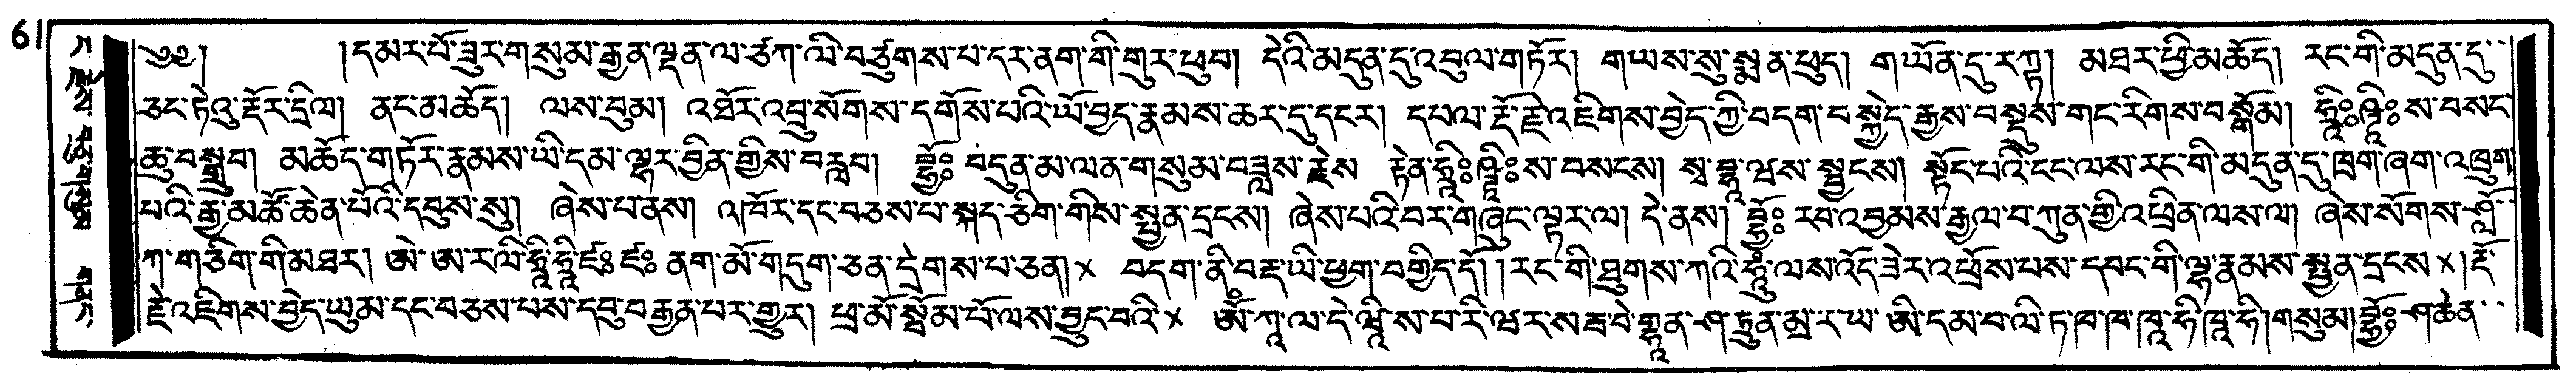༄༅། །དམར་པོ་ཟུར་གསུམ་རྒྱན་ལྡན་ལ་ཙྐ་ལི་བཙུགས་པ་དར་ནག་གི་གུར་ཕུབ། དེའི་མདུན་དུ་འབུལ་གཏོར། གཡས་སུ་སྨན་ཕུད། གཡོན་དུ་རཀྟ། མཐར་ཕྱི་མཆོད། རང་གི་མདུན་དུ་
ཅང་ཏེའུ་རྡོར་དྲིལ། ནང་མཆོད། ལས་བུམ། འཐོར་འབྲུ་སོགས་དགོས་པའི་ཡོ་བྱད་རྣམས་ཆར་དུ་དངར། དཔལ་རྡོ་རྗེ་འཇིགས་བྱེད་ཀྱི་བདག་བསྐྱེད་རྒྱས་བསྡུས་གང་རིགས་བསྒོམ། ཧྲཱིཿ ཥྜཱིཿ ས་བསང་ཆུ་བསྒྲུབ། མཆོད་གཏོར་རྣམས་ཡིད་དམ་ལྷར་བྱིན་གྱིས་བརླབ། བྷྱོཿ བདུན་མ་ལན་གསུམ་བཟླས་རྗེས་རྟེན་ཧྲཱིཿ ཥྜཱིཿ ས་བསངས། སྭ་བྷཱ་ཝས་སྦྱངས། སྟོང་པའི་ངང་ལས་རང་གི་མདུན་དུ་ཁྲག་ཞག་འཁྲུག་
པའི་རྒྱ་མཚོ་ཆེན་པོའི་དབུས་སུ། ཞེས་པ་ནས། འཁོར་དང་བཅས་པ་སྐད་ཅིག་གིས་སྤྱན་དྲངས། ཞེས་པའི་བར་གཞུང་ལྟར་ལ། དེ་ནས། བྷྱོཿ རབ་འབྱམས་རྒྱལ་བ་ཀུན་གྱི་འཕྲིན་ལས་ལ། ཞེས་སོགས་ཤློ་
ཀ་གཅིག་གི་མཐར། ཨེ་ཨ་ར་ལི་ཧྲཱི་ཧྲཱི་ཛཿ ཛཿ ནག་མོ་གདུག་ཅན་དྲེགས་པ་ཅན། +་བདག་ནི་བརྡ་ཡི་ཕྱག་བགྱིད་དོ། །རང་གི་ཐུགས་ཀའི་ཧཱུཾ་ལས་འོད་ཟེར་འཕྲོས་པས་དབང་གི་ལྷ་རྣམས་སྤྱན་དྲངས་+། རྡོ་
རྗེ་འཇིགས་བྱེད་ཡུམ་དང་བཅས་པས་དབུ་བརྒྱན་པར་གྱུར། ཕྲ་མོ་སྦོམ་པོ་ལས་བྱུང་བའི་+་ཨོཾ་ཀཱ་ལ་དེ་ཝཱི་ས་པ་རི་ཝར་སརྦ་བེ་གྷཱན་ཤ་ཏྲུན་མྲ་ར་ཡ་ཨི་དམ་བ་ལི་ཏ་ཁ་ཁ་ཁཱ་ཧི་ཁཱ་ཧི། གསུམ། བྷྱོཿ ཤ་ཆེན་